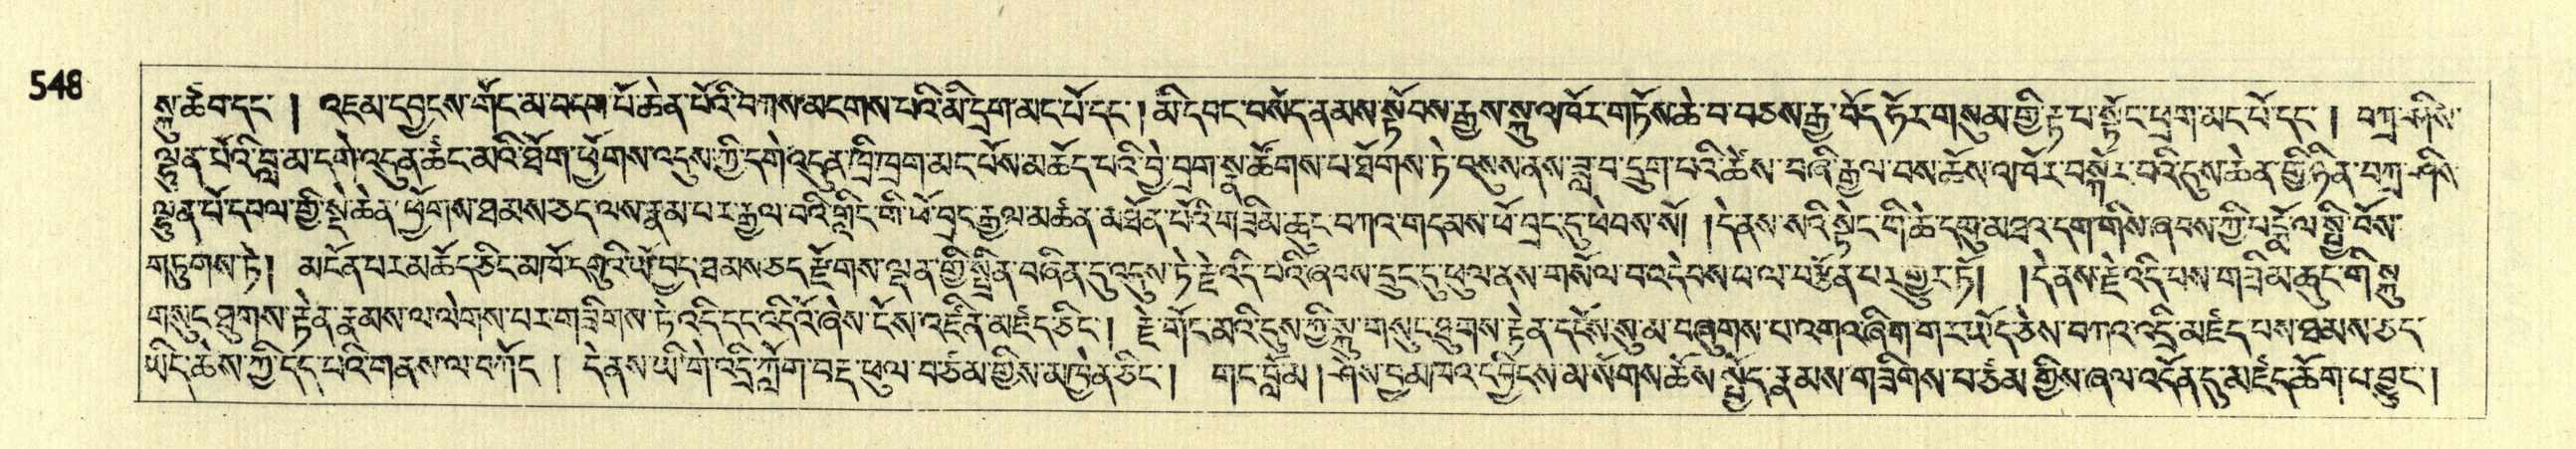སྐུ་ཚབ་དང་། འཇམ་དབྱངས་གོང་མ་བདག་པོ་ཆེན་པོའི་བཀས་མངགས་པའི་མི་དྲག་མང་པོ་དང་། མི་དབང་བསོད་ནམས་སྟོབས་རྒྱས་སྐུ་འཁོར་གཏོགས་ཆེ་བ་བཅས་རྒྱ་བོད་ཧོར་གསུམ་གྱི་རྟ་པ་སྟོང་ཕྲག་མང་པོ་དང་། བཀྲ་ཤིས་
ལྷུན་པོའི་བླ་མ་དགེ་འདུན་ཚང་མའི་ཐོག་ཕྱོགས་འདུས་ཀྱི་དགེ་འདུན་ཁྲི་ཁྲག་མང་པོས་མཆོད་པའི་བྱེ་བྲག་སྣ་ཚོགས་པ་ཐོགས་ཏེ་བསྡུས་ནས་ཟླ་བ་དྲུག་པའི་ཚེས་བཞི་རྒྱལ་བས་ཆོས་འཁོར་བསྐོར་བའི་དུས་ཆེན་གྱི་ཉིན་བཀྲ་ཤིས་
ལྷུན་པོ་དཔལ་གྱི་སྡེ་ཆེན་ཕྱོགས་ཐམས་ཅད་ལས་རྣམ་པར་རྒྱལ་བའི་གླིང་གི་ཕོ་བྲང་རྒྱལ་མཚན་མཐོན་པོའི་གཟིམ་ཆུང་བཀའ་གདམས་ཕོ་བྲང་དུ་ཕེབས་སོ། །དེ་ནས་སའི་སྟེང་གི་ཆེ་དགུ་མཐའ་དག་གིས་ཞབས་ཀྱི་པདམོ་ལ་སྤྱི་བོས་
གཏུགས་ཏེ། མངོན་པར་མཆོད་ཅིང་མཁོ་དགུའི་ཡོ་བྱད་ཐམས་ཅད་རྫོགས་ལྡན་གྱི་སྤྲིན་བཞིན་དུ་འདུས་ཏེ་རྗེ་འདི་པའི་ཞབས་དྲུང་དུ་ཕུལ་ནས་གསོལ་བ་འདེབས་པ་ལ་བརྩོན་པར་གྱུར་ཏོ། །དེ་ནས་རྗེ་འདི་པས་གཟིམ་ཆུང་གི་སྐུ་
གསུང་ཐུགས་རྟེན་རྣམས་ལ་ལེགས་པར་གཟིགས་ཏེ་འདི་དང་འདིའོ་ཞེས་ངོས་འཛིན་མཛད་ཅིང་། རྗེ་གོང་མའི་དུས་ཀྱི་སྐུ་གསུང་ཐུགས་རྟེན་དངོས་སུ་མ་བཞུགས་པ་འགའ་ཞིག་གར་ཡོད་ཅེས་བཀའ་འདྲི་མཛད་པས་ཐམས་ཅད་
ཡིད་ཆེས་ཀྱི་དད་པའི་གནས་ལ་བཀོད། དེ་ནས་ཡི་གེ་འདྲི་ཀློག་བརྡ་ཕུལ་བ་ཙམ་གྱིས་མཁྱེན་ཅིང་། གང་བློ་མ། ཤེས་བྱ་མཁའ་དབྱིངས་མ་སོགས་ཆོས་སྤྱོད་རྣམས་གཟིགས་པ་ཙམ་གྱིས་ཞལ་འདོན་དུ་མཛད་ཆོག་པ་བྱུང་།